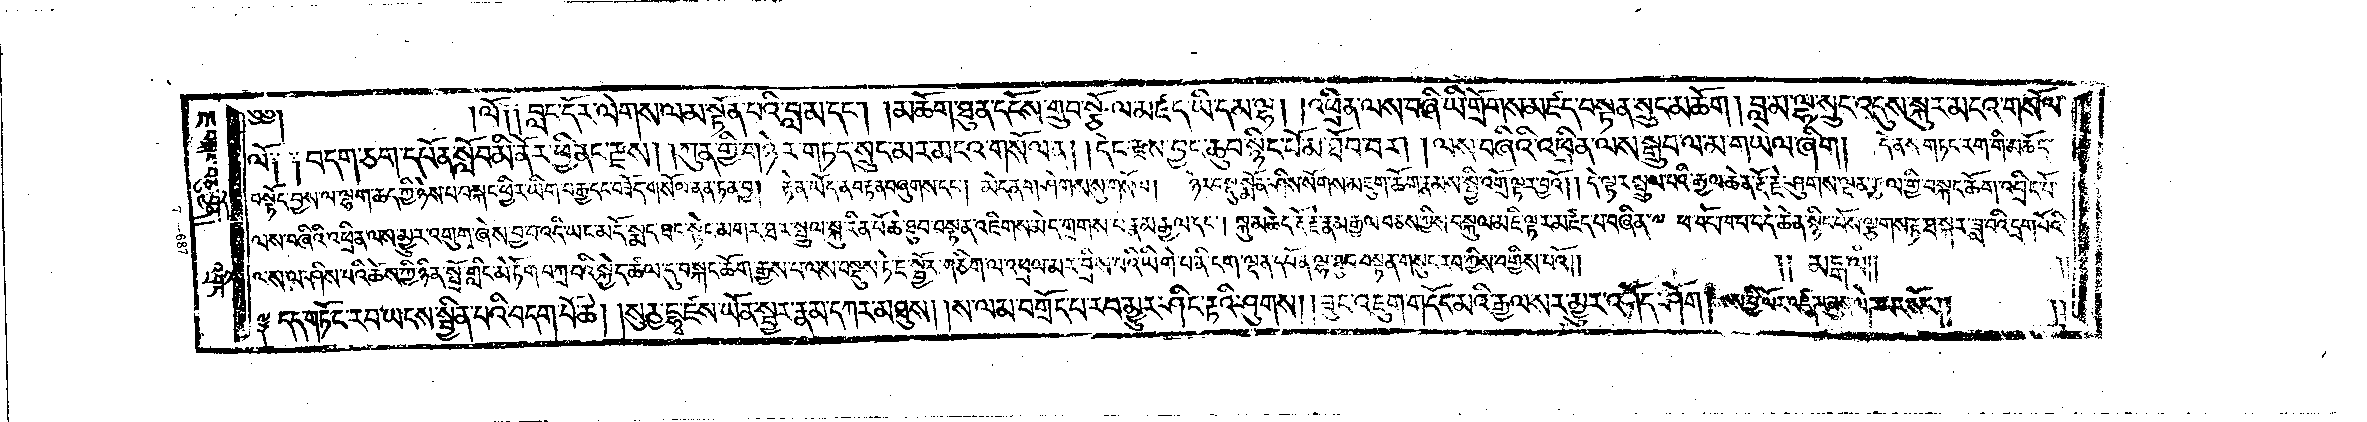༄༅། །ལོ༑ ༑བླང་དོར་ལེགས་ལམ་སྟོན་པའི་བླ་མ་དང་། །མཆོག་ཐུན་དངོས་གྲུབ་སྩོལ་མཛད་ཡི་དམ་ལྷ། །འཕྲིན་ལས་བཞི་ཡི་གྲོགས་མཛད་བསྟན་སྲུང་མཆོག། །བླ་མ་ལྷ་སྲུང་འདུས་ཀུར་མངའ་གསོལ་
ལོ༑ ༑བདག་ཅག་དཔོན་སློབ་མི་ནོར་ཕྱི་ནང་རྫས། །ཀུན་གྱི་གཉེར་གཏད་སྲུང་མར་མངའ་གསོལ་ན། །དེང་ནས་བྱང་ཆུབ་སྙིང་པོ་མ་ཐོབ་བར། །ལས་བཞིའི་འཕྲིན་ལས་སྒྲུབ་ལ་མ་གཡེལ་ཞིག། དེ་ནས་གཏང་རག་གི་མཆོད་
བསྟོད་བྱས་ལ་ལྷག་ཆད་ཀྱི་ཉེས་པ་བསྐང་ཕྱིར་ཡིག་བརྒྱ་དང་བཟོད་གསོལ་ནན་ཏན་བྱ། རྟེན་ཡོད་ན་བརྟན་བཞུགས་དང་། མེན་གཤིགས་སུ་གསོལ། ཉེར་བསྡུ་སྨོན་ཞིང་སོགས་མཇུག་ཆོག་རྣམས་སྤྱི་འགྲོ་ལྟར་བྱའོ། །དེ་ལྟར་སྤྲུལ་པའི་རྒྱལ་ཆེན་རྡོ་རྗེ་ཤུགས་ལྡན་རྩལ་གྱི་བསྐང་ཆོག་འབྲིང་པོ།
ལས་བཞིའི་འཕྲིན་ལས་མྱུར་འགུགས་ཞེས་བྱ་བ་འདི་ཡང་མོད་སྨད་ཐང་སྟེང་མགར་ཐར་བྲུལ་སྐུ་རིན་པོ་ཆེ་ཐུབ་བསྟན་འཇིགས་མེད་གྲགས་པ་རྣམ་རྒྱལ་དང་། སྐུ་མཆེད་རྡོ་རྗེ་རྣམ་རྒྱལ་བཅས་ཀྱིས་བཀུལ་ཇི་ལྟར་མཛད་པ་བཞིན ༧་ཕ་བོང་ཁ་པ་བདེ་ཆེན་སྙིང་པོས་ལྕགས་རྟ་ཐ་སྐར་ཟླ་བའི་དྲག་པོའི་
ལས་ལ་ཤིས་པའི་ཚེ་ཀྱི་ཉིན་པར་གླིང་མེ་ཏོག་བཀར་པའི་སྐྱེད་ཚལ་དུ་བསྐང་ཆོག་རྒྱས་བ་ལས་བསྡུ་ཏེ་ཧ་སྦྱོར་གཅིག་ལ་འཕྲལ་མར་བྱིས་པའི་ཡི་གེ་བ་ནི་ནག་ལྡན་དཔོན་ལྷ་ཐུབ་བསྟན་གསུང་ཀྱིས་བསྐྱི་པའོ།། །།མངལ།། །།
༈ དད་གཏོང་ར་བྱངས་སྦྱིན་པའི་བདག་པོ་ཆེ། །སུ་རྱ་ཛས་ཡོན་སྦྱར་རྣམ་དཀར་མཐུས། །ས་ལམ་བྲོས་པ་རབ་མྱུར་ཤིང་རྟའི་ཤུགས། །ཟླུ་འཇུག་གདོད་མའི་རྒྱལ་སར་མྱུར་འགོད་ཤོག། །ནས་ཕྱི་ལོ་བཙན་ཞུས་ལེ་པར་སོང།། །།